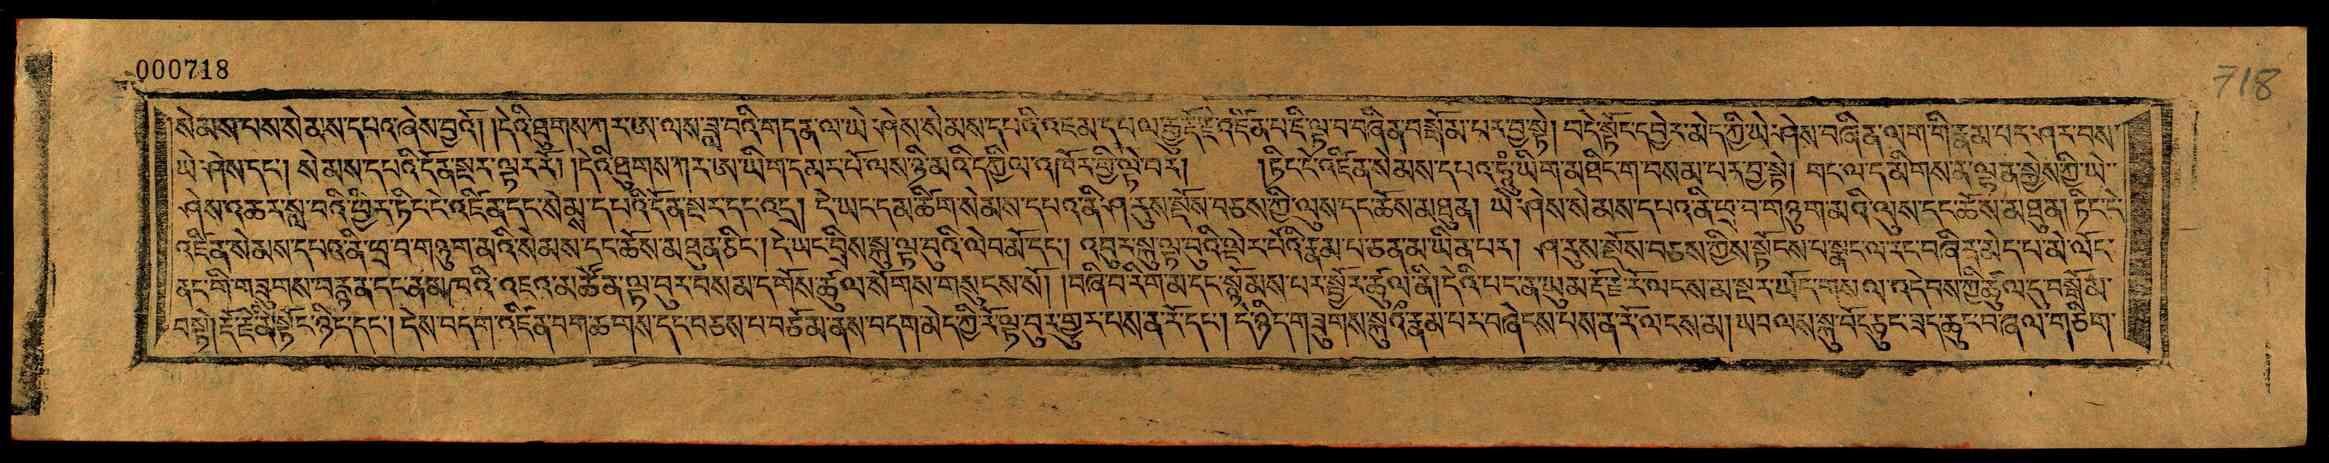སེམས་པས་སེམས་དཔའ་ཞེས་བྱའོ། །དེའི་ཐུགས་ཀར་ཨ་ལས་ཟླ་བའི་གདན་ལ་ཡེ་ཤེས་སེམས་དཔའ་འཇམ་དཔལ་རྒྱུ་རྡོ་རྗེ་འཛིན་པ་ཇི་ལྟ་བ་བཞིན་བསྒོམ་པར་བྱ་སྟེ། བདེ་སྟོང་དབྱེར་མེད་ཀྱི་ཡེ་ཤེས་བཞིན་ལག་གི་རྣམ་པར་ཤར་བས་
ཡེ་ཤེས་དང་། སེམས་དཔའི་དོན་སྔར་ལྟར་རོ། །དེའི་ཐུགས་ཀར་ཨ་ཡིག་དམར་པོ་ལས་ཉི་མའི་དཀྱིལ་འཁོར་གྱི་ལྟེ་བར། ཏིང་ངེ་འཛིན་སེམས་དཔའ་ཧཱུཾ་ཡིག་མཐིང་ག་བསམ་པར་བྱ་སྟེ། གང་ལ་དམིགས་ན་ལྷན་སྐྱེས་ཀྱི་ཡེ་
ཤེས་འཆར་སླ་བའི་ཕྱིར་ཏིང་ངེ་འཛིན་དང་སེམས་དཔའི་དོན་སྔར་དང་འདྲ། དེ་ཡང་དམ་ཚིག་སེམས་དཔའ་ནི་ཤ་རུས་སྡོས་བཅས་ཀྱི་ལུས་དང་ཆོས་མཐུན། ཡེ་ཤེས་སེམས་དཔའ་ནི་ཕྲ་བ་གཉུག་མའི་ལུས་དང་ཆོས་མཐུན། ཏེང་ངེ་
འཛིན་སེམས་དཔའ་ནི་ཕྲ་བ་གཉུག་མའི་སེམས་དང་ཆོས་མཐུན་ཅིང་། དེ་ཡང་བྲིས་སྐུ་ལྟ་བུའི་ལེབ་མོ་དང་། འབུར་སྐུ་ལྟ་བུའི་ལྔེར་པོའི་རྣམ་པ་ཅན་མ་ཡིན་པར། ཤ་རུས་སྔོས་བཅས་ཀྱིས་སྟོངས་པ་སྣང་ལ་རང་བཞིན་མེད་པ་མེ་ལོང་
ནང་གི་གཟུགས་བརྙན་དང་ནམ་མཁའི་འཇའ་མཚོན་ལྟ་བུར་བསམ་དགོས་ཚུལ་སོགས་གསུངས་སོ། །བཞི་པ་རིག་མ་དང་སྙོམས་པར་སྦྱོར་ཚུལ་ནི། དེའི་པང་ན་ཡུམ་རྡོ་རྗེ་རོ་ལངས་མ་སྔར་ཡོད་གསལ་འདེབས་ཀྱི་ཚུལ་དུ་བསྒོམ་
པ་སྟེ༑ རྡོ་རྗེ་ནི་སྟོང་ཉིད་དང་། དེས་བདག་འཛིན་བག་ཆགས་དང་བཅས་པ་བཅོམས་ནས་བདག་མེད་ཀྱི་རོ་ལྟ་བུར་གྱུར་པས་ན་རོ་དང་། དེ་ཉིད་གཟུགས་སྐུའི་རྣམ་པར་བཞེངས་པས་ན་རོ་ལངས་མ། ཡབ་ལས་སྐུ་བོང་ཅུང་ཟད་ཆུང་བ་ཞལ་གཅིག་